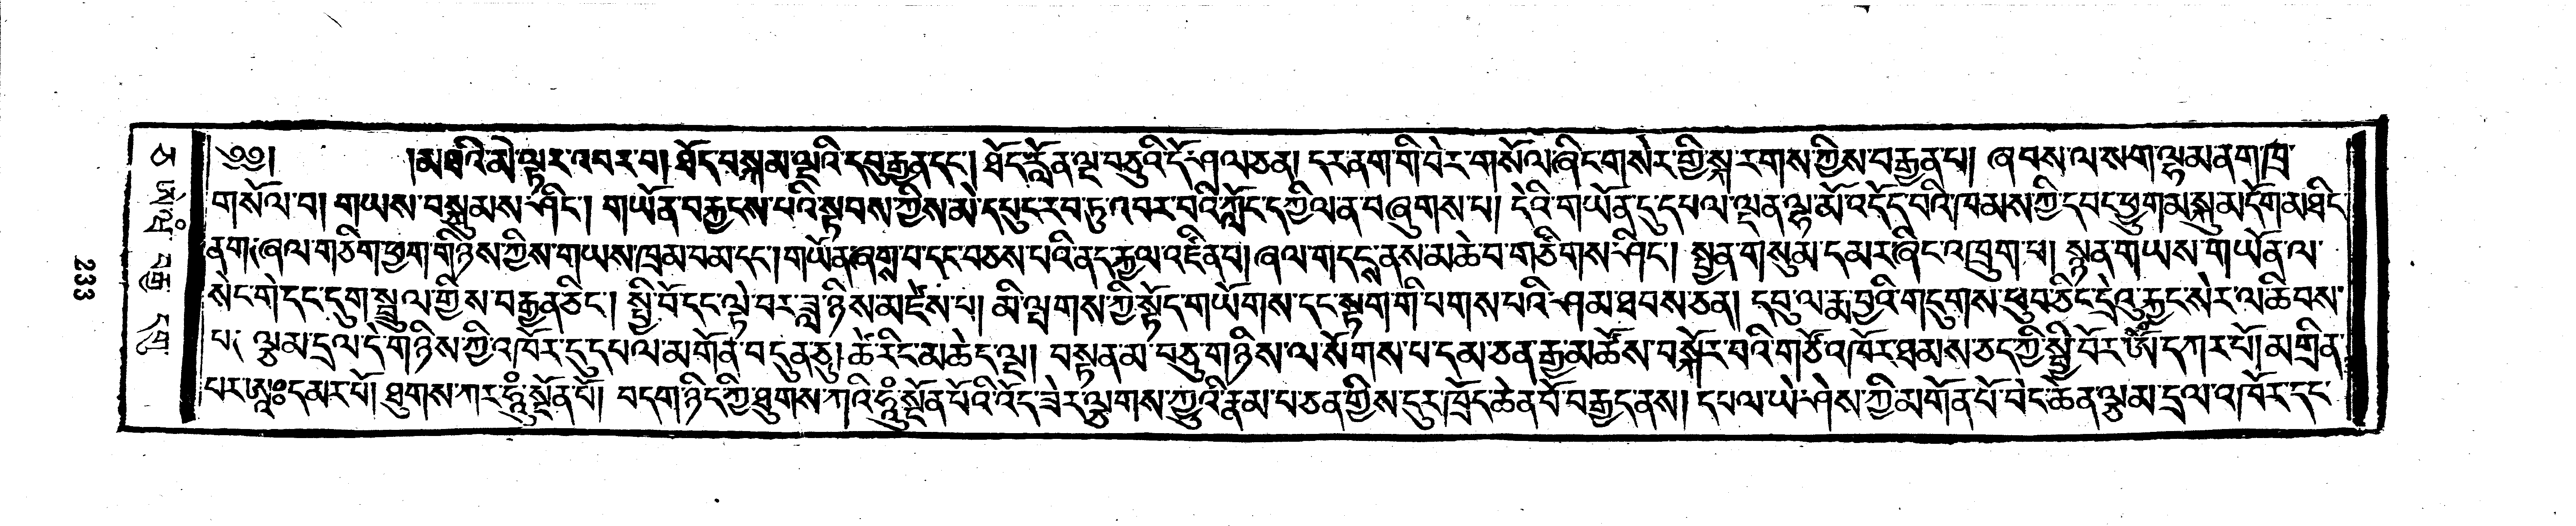༄༅། །མཐའི་མེ་ལྟར་འབར་བ། ཐོད་བསྐམ་ལྔའི་དབུ་རྒྱན་དང་། ཐོད་རློན་ལྔ་བཅུའི་དོ་ཤལ་ཅན། དར་ནག་གི་བེར་གསོལ་ཞིང་གསེར་གྱི་སྐ་རགས་ཀྱིས་བརྒྱན་པ། ཞབས་ལ་སག་ལྷམ་ནག་ཁྲ་
གསོལ་བ། གཡས་བསྐུམས་ཤིང་། གཡོན་བརྐྱངས་པའི་སྟབས་ཀྱིས་མེ་དཔུང་རབ་ཏུ་འབར་བའི་ཀློང་དཀྱིལ་ན་བཞུགས་པ། དེའི་གཡོན་དུ་དཔལ་ལྡན་ལྷ་མོ་འདོད་པའི་ཁམས་ཀྱི་དབང་ཕྱུག་མ་སྐུ་མདོག་མཐིང་
ནག །ཞལ་གཅིག་ཕྱག་གཉིས་ཀྱིས་གཡས་ཁྲམ་བམ་དང་། གཡོན་ཞགས་པ་དང་བཅས་པའི་ནད་རྐྱལ་འཛིན་པ། ཞལ་གདངས་ནས་མཆེ་བ་གཙིགས་ཤིང་། སྤྱན་གསུམ་དམར་ཞིང་འཁྲུག་པ། སྙན་གཡས་གཡོན་ལ་
སེང་གེ་དང་དུག་སྦྲུལ་གྱིས་བརྒྱན་ཅིང་། སྤྱི་བོ་དང་ལྟེ་བར་ཟླ་ཉིས་མཛེས་པ། མི་ལྤགས་ཀྱི་སྟོད་གཡོགས་དང་སྟག་གི་པགས་པའི་ཤམ་ཐབས་ཅན། དབུ་ལ་རྨ་བྱའི་གདུགས་ཕུབ་ཅིང་དྲེའུ་རྐྱང་སེར་ལ་ཆིབས་
པ། ལྕམ་དྲལ་དེ་གཉིས་ཀྱི་འཁོར་དུ་དཔལ་མགོན་བདུན་ཅུ། ཚེ་རིང་མཆེད་ལྔ། བསྟན་མ་བཅུ་གཉིས་ལ་སོགས་པ་དམ་ཅན་རྒྱ་མཚོས་བསྐོར་བའི་གཙོ་འཁོར་ཐམས་ཅད་ཀྱི་སྤྱི་བོར་ཨོཾ་དཀར་པོ། མགྲིན་
པར་ཨཱཿ དམར་པོ། ཐུགས་ཀར་ཧཱུཾ་སྔོན་པོ། བདག་ཉིད་ཀྱི་ཐུགས་ཀའི་ཧཱུཾ་སྔོན་པོའི་འོད་ཟེར་ལྕགས་ཀྱུའི་རྣམ་པ་ཅན་གྱིས་དུར་ཁྲོད་ཆེན་པོ་བརྒྱད་ནས། དཔལ་ཡེ་ཤེས་ཀྱི་མགོན་པོ་བེང་ཆེན་ལྕམ་དྲལ་འཁོར་དང་